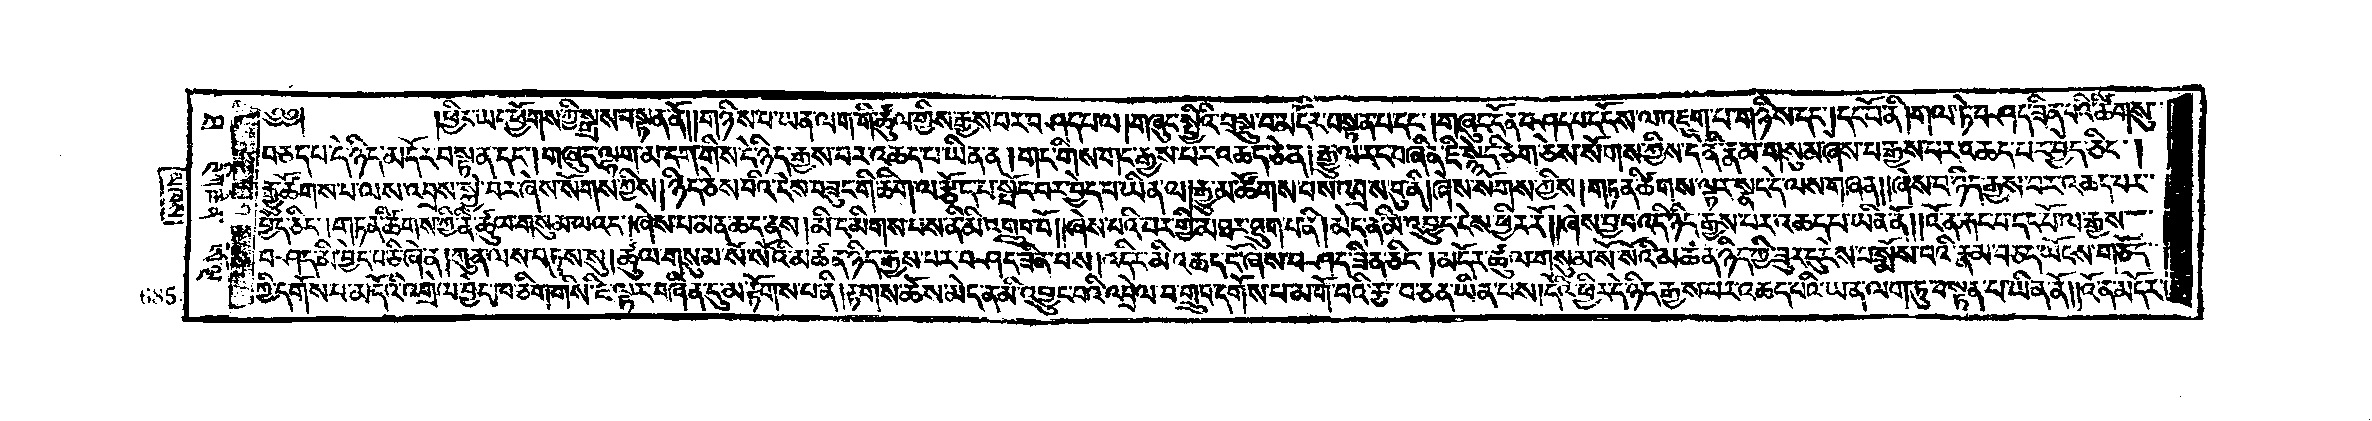༄༅། །ཕྱིར་ཡང་ཕྱོགས་ཀྱི་སྒྲས་བསྟན་ནོ། །གཉིས་པ་ཡན་ལག་གི་ཚུལ་གྱིས་རྒྱས་པར་བཤད་པ་ལ། གཞུང་སྤྱིའི་བསྡུ་བ་མདོར་བསྟན་པ་དང་། གཞུང་དོན་བཤད་པ་དངོས་ལ་འཇུག་པ་གཉིས་དང་། དང་པོ་ནི། གལ་ཏེ་བཤད་ཟིན་པའི་ཚིགས་སུ་
བཅད་པ་དེ་ཉིད་མདོར་བསྟན་དང་། གཞུང་ལྷག་མ་དག་གིས་དེ་ཉིད་རྒྱས་པར་འཆད་པ་ཡིན་ན། གང་གིས་གང་རྒྱས་པར་འཆད་ཅེ་ན། རྒྱུ་ལ་རང་བཞིན་ཇི་སྙེད་ཅིག་ཅེས་སོགས་ཀྱིས་དེ་ནི་རྣམ་གསུམ་ཞེས་པ་རྒྱས་པར་འཆད་པར་བྱེད་ཅིང་།
རྒྱུ་ཚོགས་པ་ལས་འབྲས་སྐྱེ་བར་ཞེས་སོགས་ཀྱིས། ཉིད་ཅེས་པའི་ངེས་བཟུང་གི་ཚིག་ལ་རྩོད་པ་སྤོང་བར་བྱེད་པ་ཡིན་ལ། རྒྱུ་མ་ཚོགས་པས་འབྲས་བུ་ནི། ཞེས་སོགས་ཀྱིས། གཏན་ཚིགས་ལྟར་སྣང་དེ་ལས་གཞན། །ཞེས་པ་ཉིད་རྒྱས་པར་འཆད་པར་
བྱེད་ཅིང་། གཏན་ཚིགས་ཀྱི་ནི་ཚུལ་གསུམ་ལའང་། ཞེས་པ་མན་ཆད་ནས། མི་དམིགས་པས་ནི་མི་འགྲུབ་པོ། །ཞེས་པའི་བར་གྱི་མཐར་ཐུག་པ་ནི། མེད་མ་མི་འབྱུང་ངེས་ཕྱིར་རོ། །ཞེས་བྱ་བ་འདི་ཉིད་རྒྱས་པར་འཆད་པ་ཡིན་ནོ། །འོ་ན་རྐང་པ་དང་པོ་ལ་རྒྱས་
བཤད་མི་བྱེད་པ་ཅི་ཞེ་ན། ཀུན་ལས་བཏུས་སུ། ཚུལ་གསུམ་སོ་སོའི་མཚན་ཉིད་རྒྱས་པར་བཤད་ཟིན་པས། འདིར་མི་འཆད་དོ་ཞེས་བཤད་ཟིན་ཅིང་། མདོར་ཚུལ་གསུམ་སོ་སོའི་མཚན་ཉིད་ཀྱི་ཟུར་དུ་ངེས་པ་སྨོས་པའི་རྣམ་བཅད་ཡོངས་གཅོད་
ཀྱི་དགོས་པ་མདོའི་འགྲེལ་བྱེད་ཁ་ཅིག་གིས་ཇི་ལྟར་བཞིན་དུ་མ་རྟོགས་པ་ནི། རྟགས་ཆོས་མེད་ན་མི་འབྱུང་བའི་འབྲེལ་བ་གྲུབ་པའི་ཡན་ལག་ཏུ་བསྟན་པ་ཡིན་ནོ། འོ་ནའ་མདོར་རྒྱས་པར་འཆད་པའི་ཡན་ལག་ཏུ་བསྟན་པ་ཡིན་ནོ། །འོ་ན་མདོར་